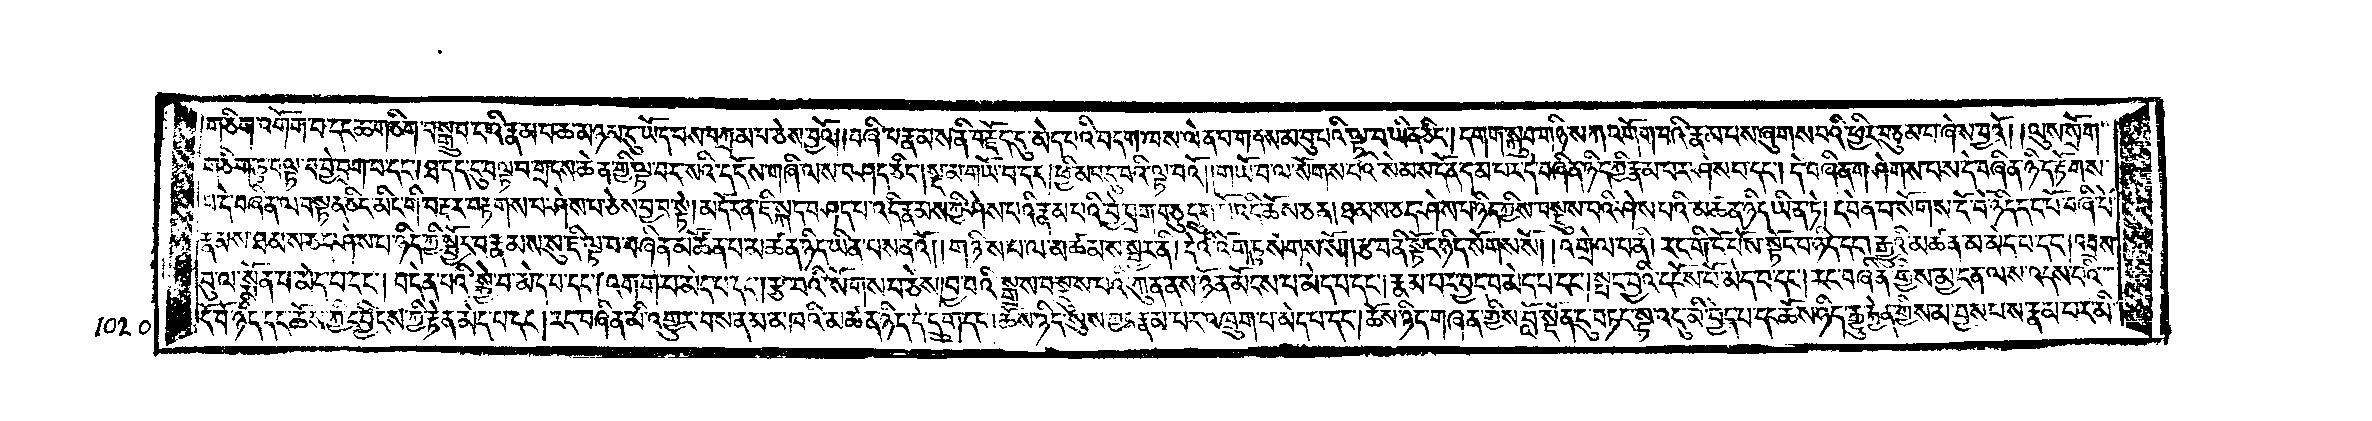གཅིག་འགོག་པ་དང་ཆ་གཅིག་བསྒྲུབ་པའི་རྣམ་པ་ཆ་མཉམ་དུ་ཡོད་པས་བཀྲམ་པ་ཅེས་བྱའོ། །བཞི་པ་རྣམས་ནི་བརྗོད་དུ་མེད་པའི་བདག་ཁས་ལེན་པ་གནས་མ་བུ་པའི་ལྟ་བ་ཡིན་ཅིང་། དགག་སྒྲུབ་གཉིས་ཀ་འགོག་པའི་རྣམ་པས་ཞུགས་པའི་ཕྱིར་བཅུམ་པ་ཞེས་བྱའོ། །ལུས་སྲོག་
གཅིག་ཏུ་བལྟ་བ་བྱེ་བྲག་པ་དང་། ཐ་དད་དུ་བལྟ་བ་གྲངས་ཆེན་གྱི་ལྟ་བར་སའི་དངོས་གཞི་ལས་བཤད་ཅིང་། སྔ་མ་གཡོ་བ་དང་། ཕྱི་མ་བདུ་བའི་ལྟ་བའོ། །གཡོ་བ་ལ་སོགས་པའི་སེམས་དོན་དམ་པར་དེ་བཞིན་ཉིད་ཀྱི་རྣམ་པར་ཤེས་པ་དང་། དེ་བཞིན་གཤེགས་པས་དེ་བཞིན་ཉིད་རྟོགས་
པ་དེ་བཞིན་ལ་བསྟན་ཅིང་མིང་གི་བརྔར་བརྟགས་པ་ཤེས་པ་ཅེས་བྱ་བ་སྟེ། མདོར་ན་ཇི་སྐད་བཤད་པ་འདི་རྣམས་ཀྱི་ཤེས་པའི་རྣམ་པའི་བྱེ་བྲག་བཅུ་དྲུག་པོ་འདི་ཆོས་ཅན། ཐམས་ཅད་ཤེས་པ་ཉིད་ཀྱིས་བསྡུས་པའི་ཤེས་པའི་མཚན་ཉིད་ཡིན་ཏེ། དབེན་པ་སོགས་ངོ་བོ་ཉིད་དང་པོ་བཞི་པོ་
རྣམས་ཐམས་ཅད་ཤེས་པ་ཉིད་ཀྱི་སྦྱོར་བ་རྣམས་སུ་ཇི་ལྟ་བ་བཞིན་མཚོན་པ་མཚན་ཉིད་ཡིན་པས་ནའོ། །གཉིས་པ་ལ་མཚམས་སྦྱར་ནི། དེའི་འོག་ཏུ་སོགས་སོ། །རྩ་བ་ནི་སྟོང་ཉིད་སོགས་སོ། །འགྲེལ་པ་ནི། རང་གི་ངོ་བོས་སྟོང་པ་ཉིད་དང་། རྒྱུའི་མཚན་མ་མེད་པ་དང་། འབྲས་
བུ་ལ་སྨོན་པ་མེད་པ་དང་། བདེན་པའི་སྐྱེ་བ་མེད་པ་དང་། འགག་པ་མེད་པ་དང་། རྩ་བའི་སོགས་པ་ཅེས། བྱ་བའི་སྒྲས་བསྡུས་པའི་ཀུན་ནས་ཉོན་མོངས་པ་མེད་པ་དང་། རྣམ་པར་བྱང་བ་མེད་པ་དང་། སྤང་བྱའི་དངོས་པོ་མེད་པ་དང་། རང་བཞིན་གྱིས་མྱ་ངན་ལས་འདས་པའི་
ངོ་བོ་ཉིད་དང་ཆོས་ཀྱི་དབྱིངས་ཀྱི་རྟེན་མེད་པ་དང་། རང་བཞིན་མི་འགྱུར་བས་ནམ་མཁའི་མཚན་ཉིད་དེ་དྲུག་དང་། ཆོས་ཉིད་སུས་ཀྱང་རྣམ་པར་འཁྲུག་པ་མེད་པ་དང་། ཆོས་ཉིད་གཞན་གྱིས་བློ་སྔོན་དུ་བཏང་སྟེ་འདུ་མི་བྱེད་པ་དང་ཆོས་ཉིད་རྒྱུ་རྐྱེན་གྱིས་མ་བྱས་པས་རྣམ་པར་མི་